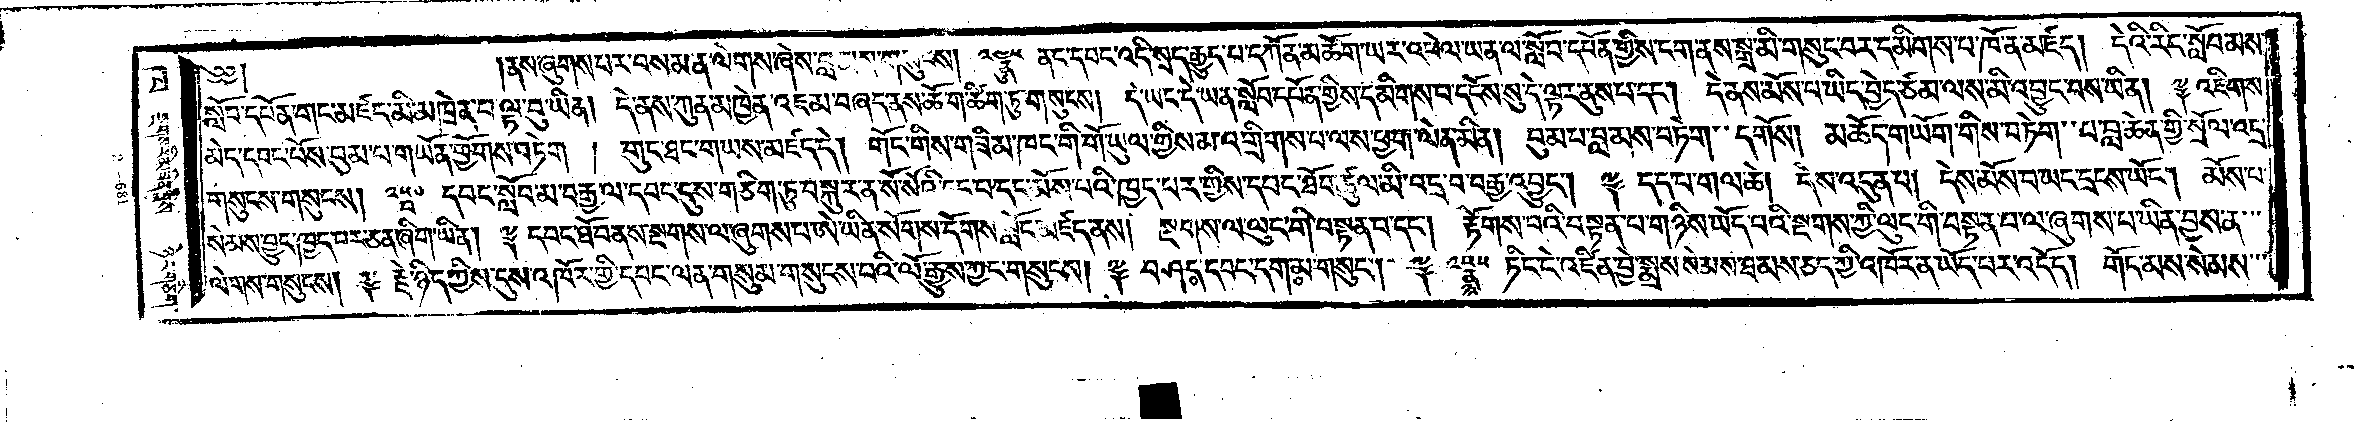༄༅། །ནས་ཞུགས་པར་བསམ་ན་ལེགས་ཞེས་བླ་མས་གསུངས། ༢༤༥ན༦་ནང་དབང་འདི་སྲད་རྒྱུད་པ་དཀོན་མཆོག་ཡར་འཕེལ་ཡན་ལ་སློབ་དཔོན་གྱིས་ངག་ནས་སྒྲ་མི་གསུང་བར་དམིགས་པ་ཁོ་ན་མཛད། དེའི་རིང་སློབ་མས་
སློབ་དཔོན་གང་མཛད་མི་མཁྲེན་བལྟ་བུ་ཡིན། དེ་ནས་ཀུན་མཁྱེན་འཇམ་བཞད་ནས་ཆོ་ག་ཚིག་ཏུ་གསུངས། དེ་ཡང་དེ་ཡན་སློབ་དཔོན་གྱིས་དམིགས་པ་དངོས་སུ་དེ་ལྟར་ནུས་པ་དང་། དེ་ནས་མོས་པ་ཡིད་བྱེད་ཙམ་ལས་མི་འབྱུང་བས་ཡིན། ༈ འཇིགས་
མེད་དབང་པོས་བུམ་པ་གཡོན་ཕྱོགས་བཏེག །གུང་ཐང་གཡས་མཛད་དེ། གོང་གིས་གཟིམ་ཁང་གི་གོ་ཡུལ་གྱིས་མ་འགྲིགས་པ་ལས་ཕྱག་ལེན་མིན། བུམ་པ་བླ་མས་བཏེག་དགོས། མཆོད་གཡོག་གིས་བཏེག་པ་བླ་ཆེན་གྱི་སྲོལ་འདྲ་
གསུངས་གསུངས། ༢༥༠བ་དབང་སློབ་མ་བརྒྱ་ལ་དབང་དུས་གཅིག་ཏུ་བསྐུར་ན་སོ་སོའི་དད་པ་དང་མོས་པའི་ཁྱད་པར་གྱིས་དབང་ཐོབ་ཚུལ་མི་འདྲ་བ་བརྒྱ་འབྱུང་། ༈ དད་པ་གལ་ཆེ། དེས་འདུན་པ། དེས་མོས་བ་ཡང་དྲངས་ཡོང་། མོས་པ་
སེམས་བྱུང་ཁྱད་པར་ཅན་ཞིག་ཡིན། ༈ དབང་ཐོབ་ནས་སྔགས་ལ་ཞུགས་པ་ཨེ་ཡིན་སོགས་དོགས་སློང་མཛད་ནས། སྔགས་ལ་ལུང་གི་བསྟན་པ་དང་། རྟོགས་པའི་བསྟན་པ་གཉིས་ཡོད་པའི་སྔགས་ཀྱི་ལུང་གི་བསྟན་པ་ལ་ཞུགས་པ་ཡིན་བྱས་ན་
ལེགས་གསུངས། ༈ རྗེ་ཉིད་ཀྱིས་དུས་འཁོར་གྱི་དབང་ལན་གསུམ་གསུངས་པའི་ལོ་རྒྱུས་ཀྱང་གསུངས། ༈ བཤད་དབང་དག་མ་གསུང་། ༈ ༢༥༥ན༣་ཏིང་ངེ་འཛིན་བྱེ་སྨྲས་སེམས་ཐམས་ཅད་ཀྱི་འཁོར་ན་ཡོད་པར་འདོད། གོང་མས་སེམས་